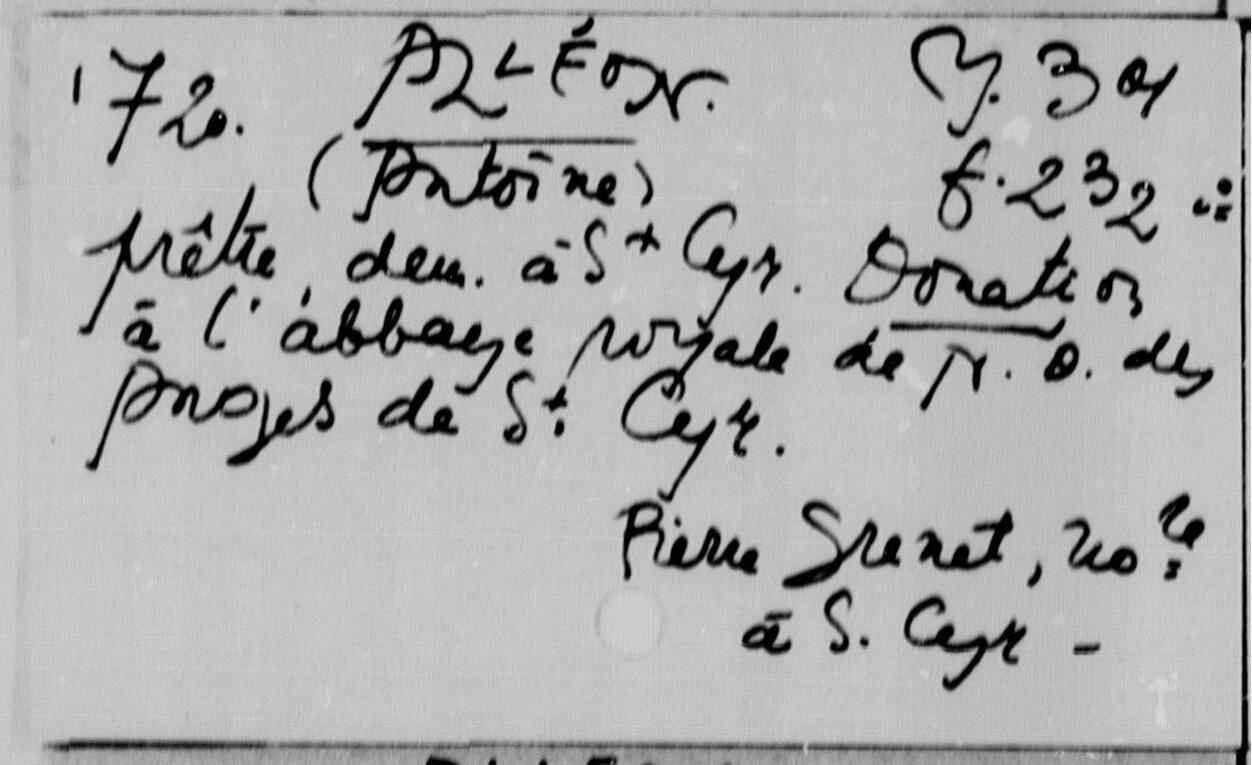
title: ALLÉON (Antoine)
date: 1720
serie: Y
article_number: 304
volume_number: folio 232 verso
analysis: prêtre demeurant à Saint Cyr Donation à l'abbaye royale de Notre Dame des Anges de Saint Cyr Pierre Grenet, notaire à Saint-Cyr
